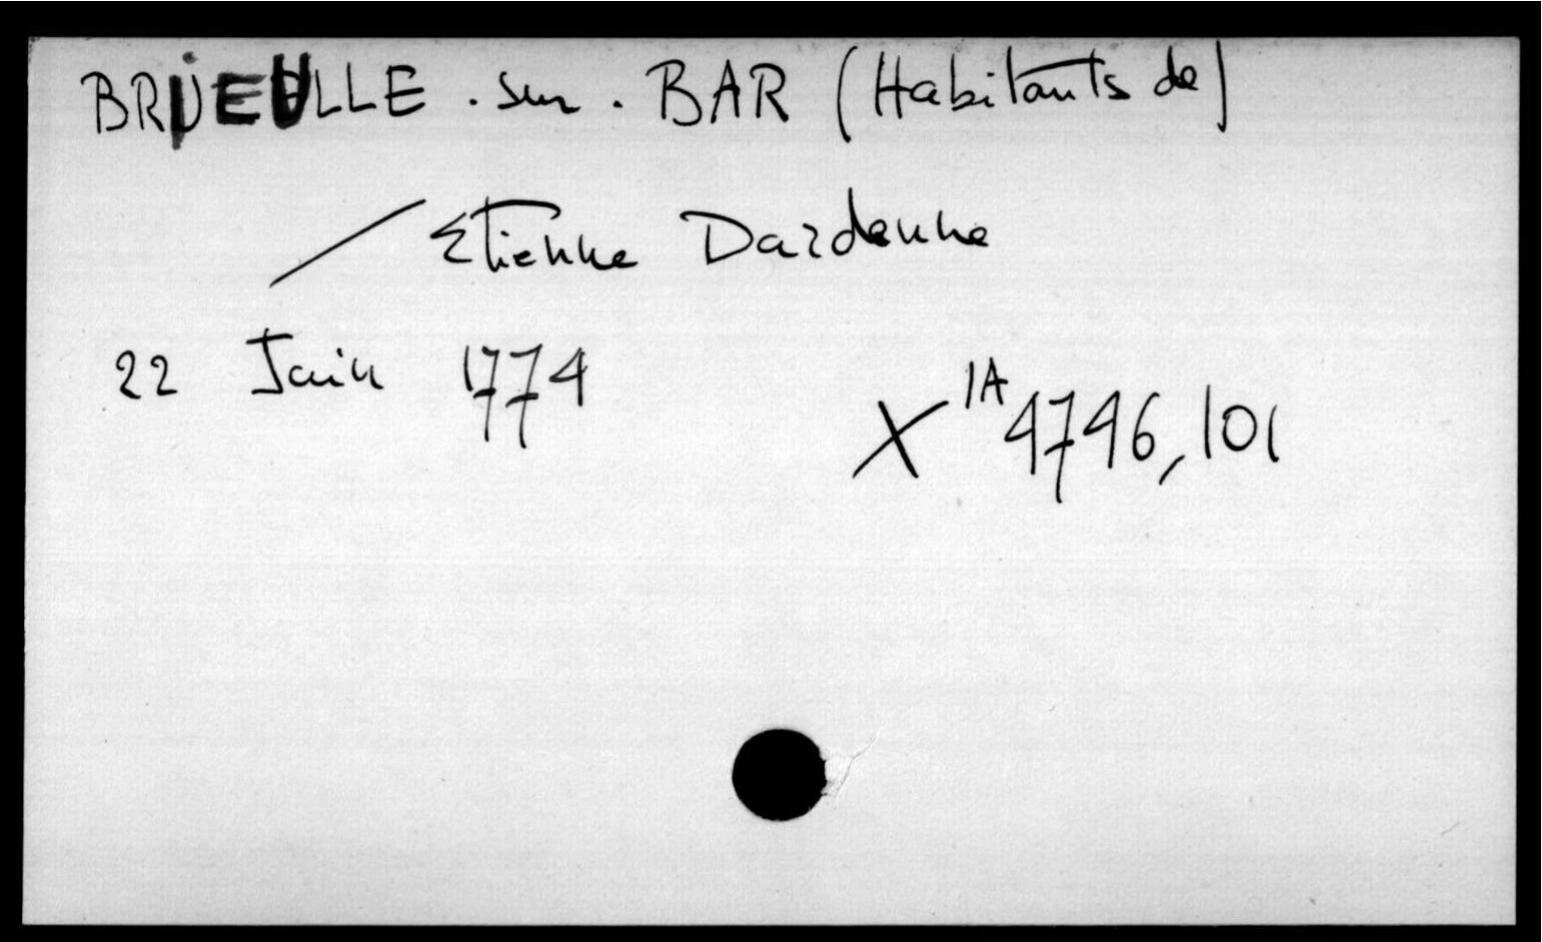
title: BRIEULLE-sur-BAR (Habitants de)
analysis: Contre Étienne Dardenne
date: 22 juin 1774
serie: X1A
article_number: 4746
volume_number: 101
